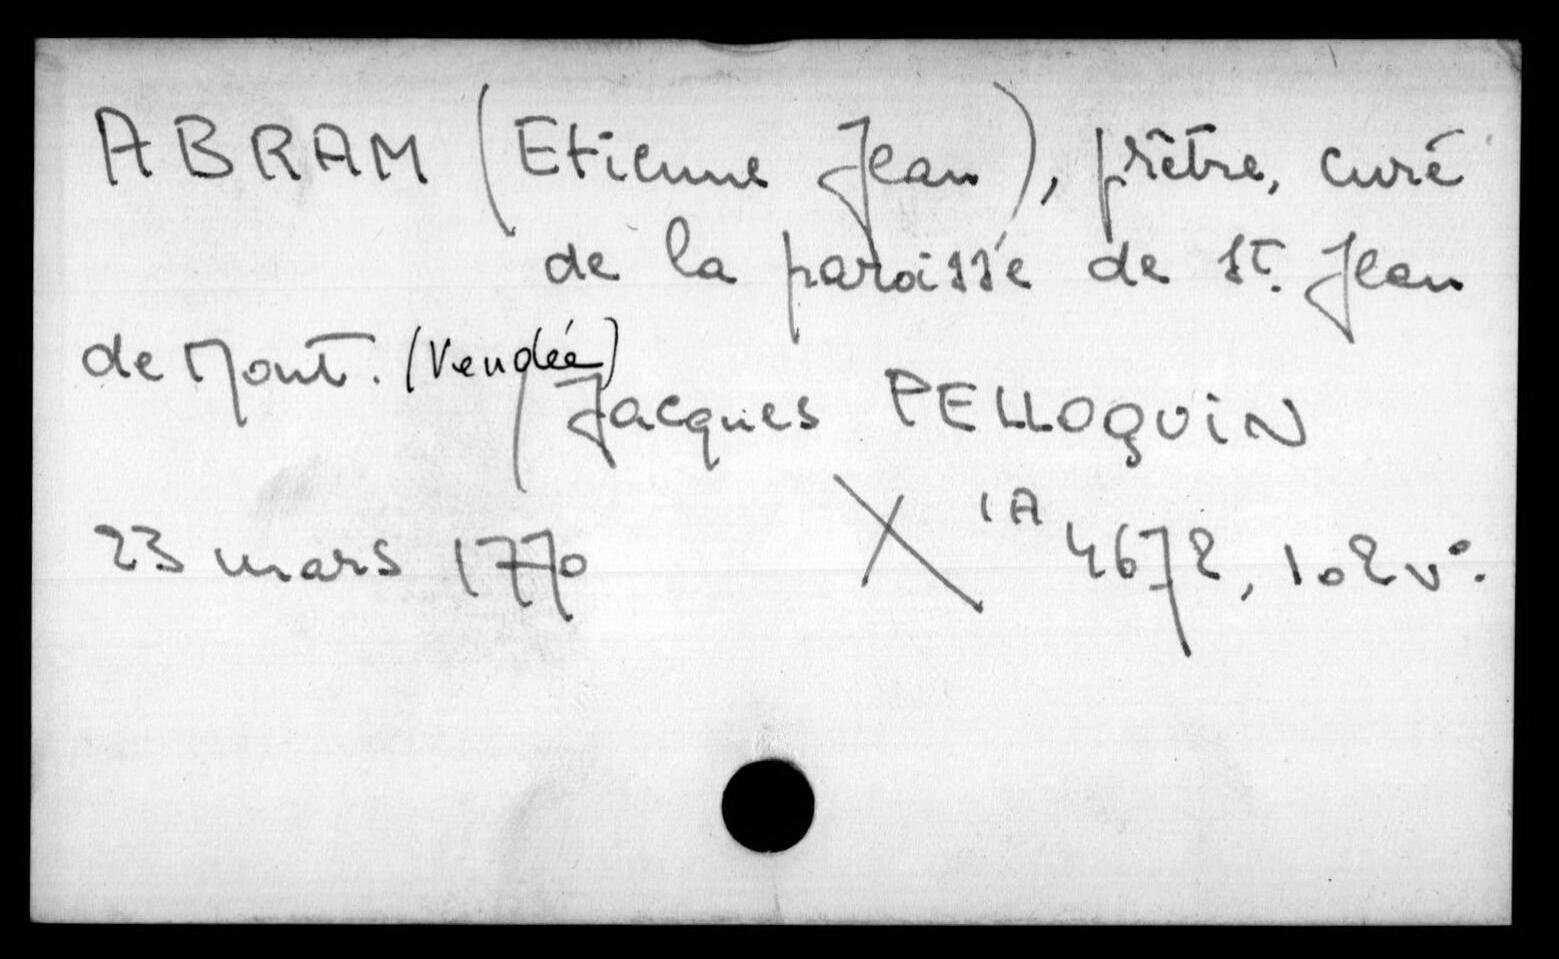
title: ABRAM (Étienne Jean), prêtre, curé de la paroisse de Saint-Jean de Monts (Vendée)
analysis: Contre Jacques PELLOQUIN
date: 23 mars 1770
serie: X1A
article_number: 4672
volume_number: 102v
